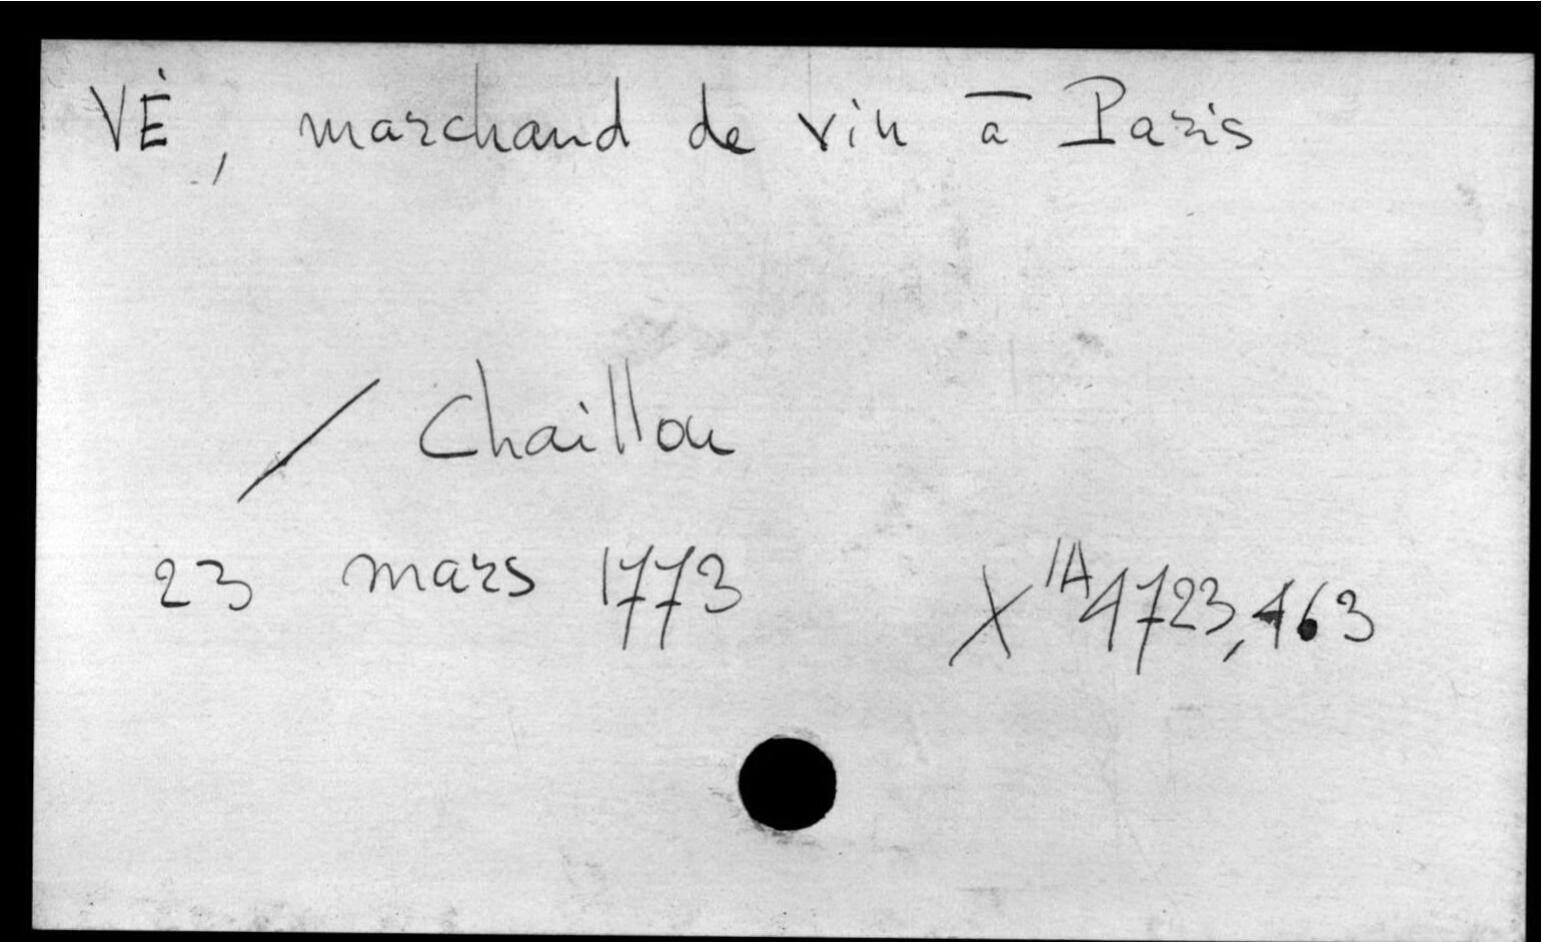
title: VÉ, marchand de vin à Paris
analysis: Contre Chaillou
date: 23 mars 1773
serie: X1A
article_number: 4723
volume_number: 463
